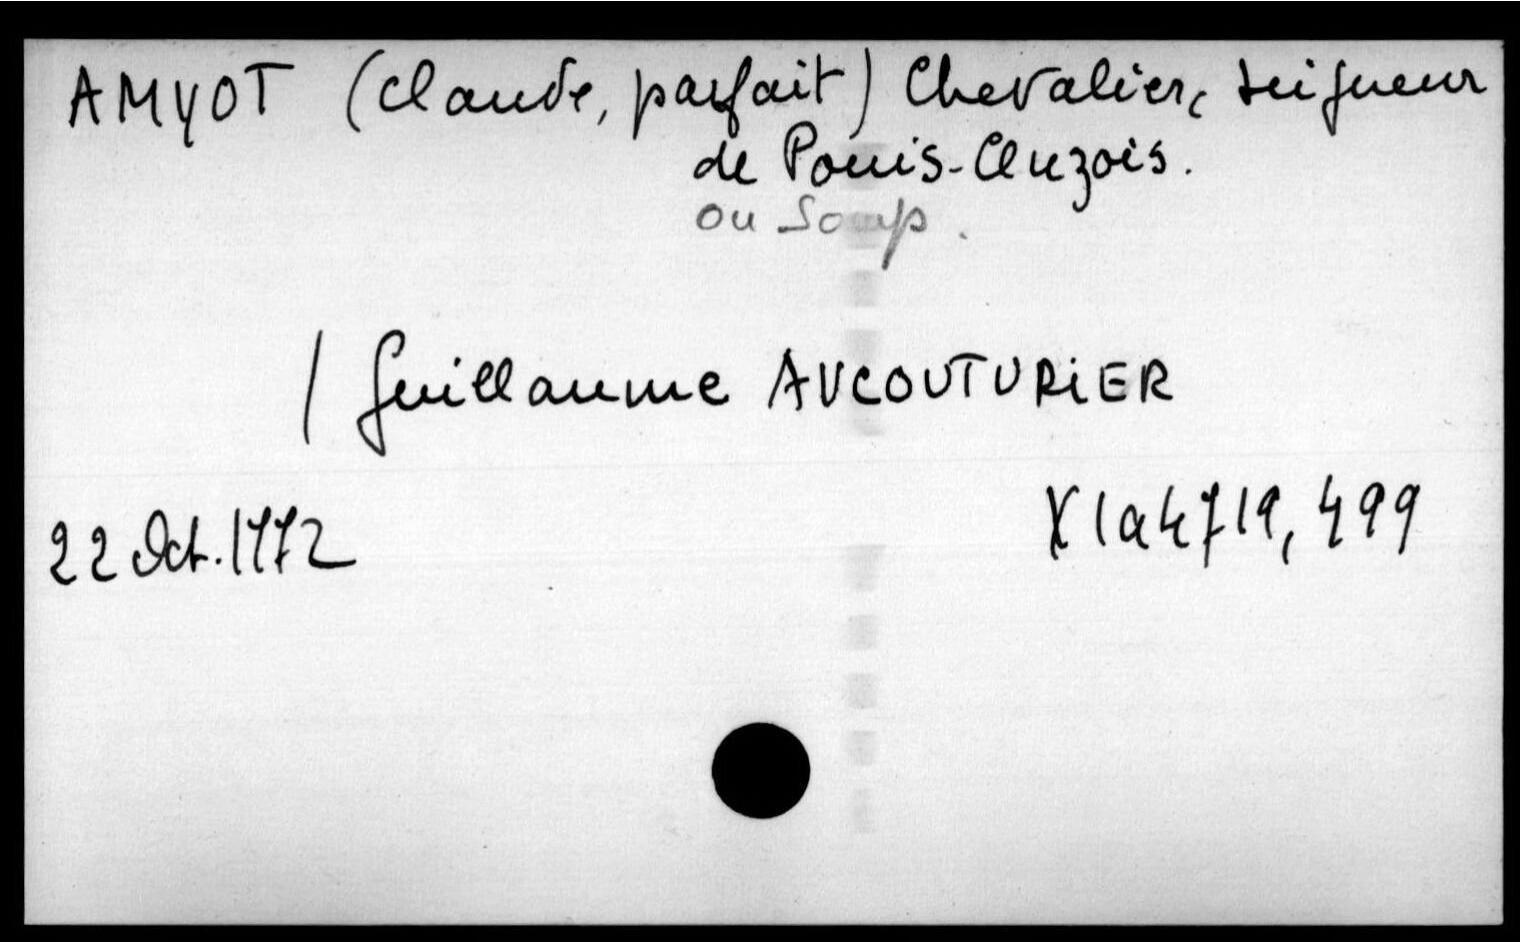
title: AMYOT (Claude, parfait) Chevalier seigneur de Pouis-Cluzois
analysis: Contre Guillaume AUCOUTURIER
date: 22 octobre 1772
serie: X1a
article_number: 4719
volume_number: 499
